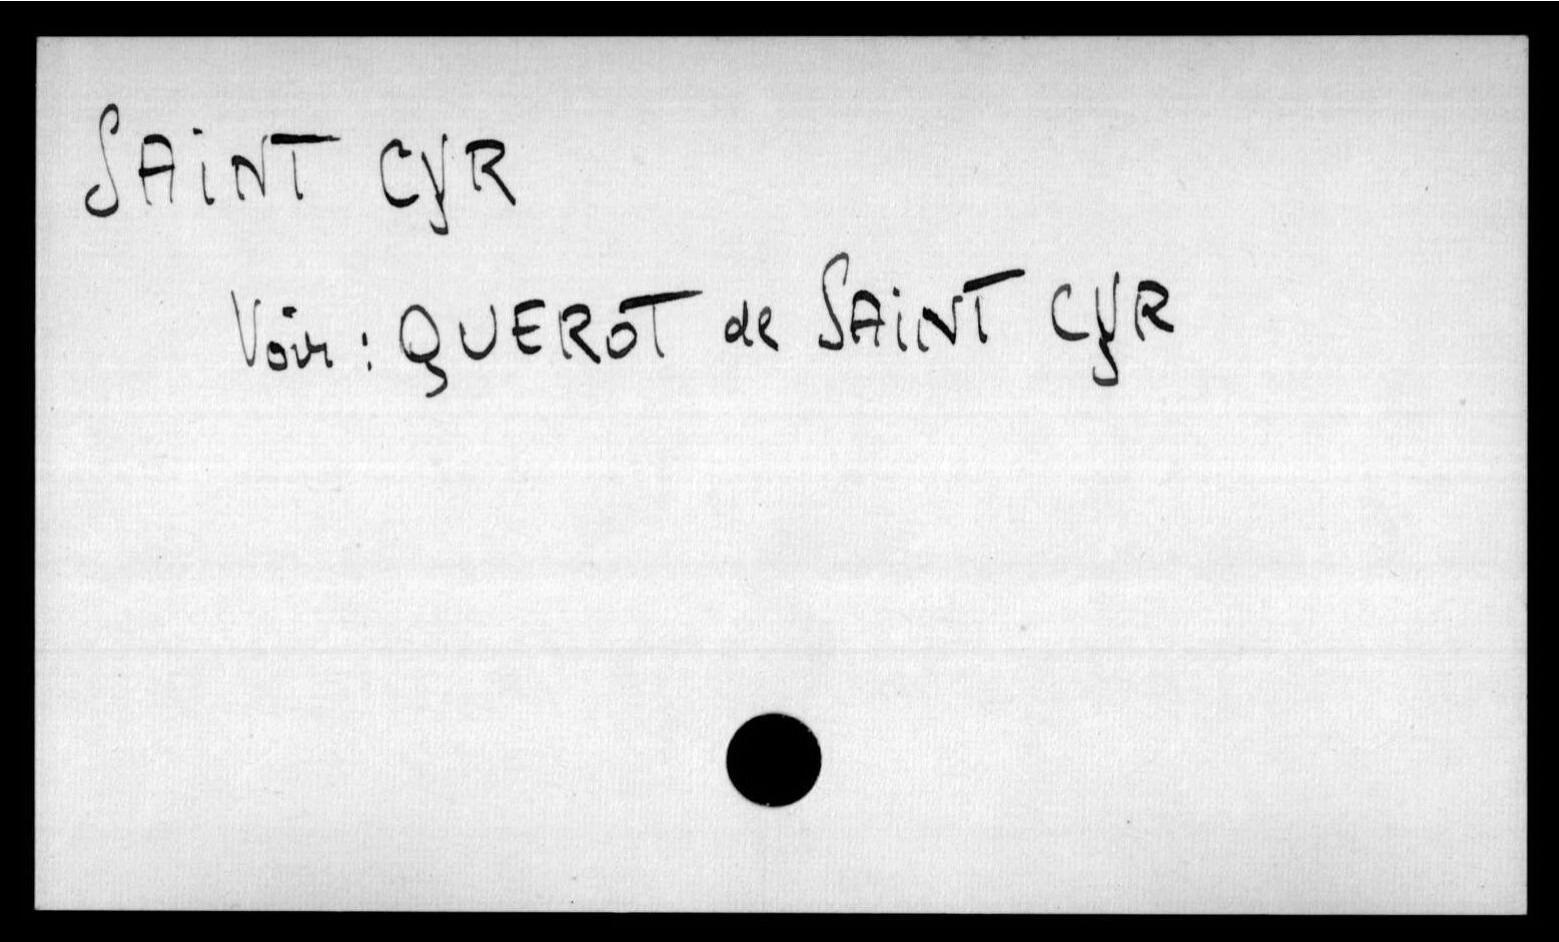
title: SAINT CYR
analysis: Voir : QUEROT de SAINT-CYR
